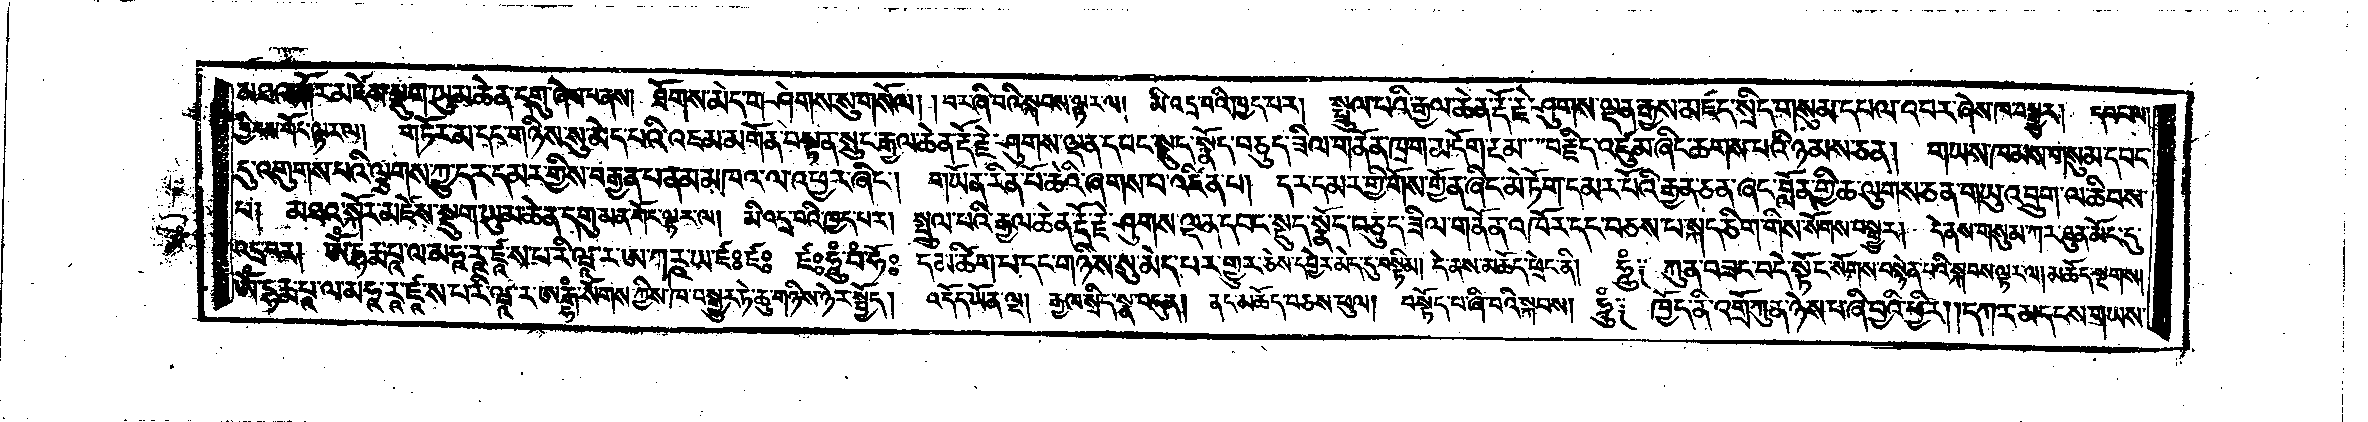མཐའ་སྐོར་མཛེས་སྡུག་ཡུམ་ཆེན་དགུ་ཞེས་པ་ནས། ཐོགས་མེད་གཤེགས་སུ་གསོལ། །བར་ཞི་བའི་སྐབས་ལྟར་ལ། མི་འདྲ་བའི་ཁྱད་པར། སྤྲུལ་པའི་རྒྱལ་ཆེན་རྡོ་རྗེ་ཤུགས་ལྡན་རྒྱས་མཛད་སྲིད་གསུམ་དཔལ་འབར་ཞེས་ཁ་བསྒྱུར། དབང་ལ་
དབྱིངས་གོང་ལྟར་ལ། གཏོར་མ་དང་གཉིས་སུ་མེད་པའི་འཇམ་མགོན་བསྟན་སྲུང་རྒྱལ་ཆེན་རྡོ་རྗེ་ཤུགས་ལྡན་དབང་སྡུད་སྣོད་བཅུད་ཟིལ་གནོན་ཁྲག་མདོག་རྔམ་བརྗིད་འཛུམ་ཞིང་ཆགས་པའི་ཉམས་ཅན། གཡས་ཁམས་གསུམ་དབང་
དུ་འགུགས་པའི་ལྕགས་ཀྱུ་དར་དམར་གྱིས་བརྒྱན་པ་ནམ་མཁའ་ལ་འཕྱར་ཞིང་། །གཡོན་རིན་པོ་ཆེའི་ཞགས་པ་འཛིན་པ། དར་དམར་གྱི་གོས་གྱོན་ཞིང་མེ་ཏོག་དམར་པོའི་རྒྱན་ཅན་ཞང་བློན་གྱི་ཆ་ལུགས་ཅན་གཡུ་འབྲུག་ལ་ཆིབས་
པ༑ མཐའ་སྐོར་མཛེས་སྡུག་ཡུམ་ཆེན་དགུ་མན་གོང་ལྟར་ལ། མི་འདྲ་བའི་ཁྱད་པར། སྤྲུལ་པའི་རྒྱལ་ཆེན་རྡོ་རྗེ་ཤུགས་ལྡན་དབང་སྡུད་སྣོད་བཅུད་ཟིལ་གནོན་འཁོར་དང་བཅས་པ་སྐད་ཅིག་གིས་སོགས་བསྒྱུར། དེ་ནས་གསུམ་ཀར་ཐུན་མོང་དུ་
འདྲ་བར། ཨོཾ་དྷརྨ་པཱ་ལ་མཧཱ་རཱ་ཛཱ་ས་པ་རི་ཝཱ་ར་ཨ་ཀརྵ་ཡ་ཛཿཛཿ ཛཿ ཧཱུཾ་བཾ་ཧོཿ དམ་ཚིག་པ་དང་གཉིས་སུ་མེད་པར་གྱུར་ཅེས་དབྱེར་མེད་དུ་བསྟིམ། དེ་ནས་མཆོད་ཕྲེང་ནི། ཧཱུཾ༑ ཀུན་བཟང་བདེ་སྟོང་སོགས་བསྙེན་པའི་སྐབས་ལྟར་ལ། མཆོད་སྔགས།
ཨོཾ་དྷརྨ་པཱ་ལ་མཧཱ་རཱ་ཛཱ་ས་པ་རི་ཝཱ་ར་ཨརྒྷཾ་སོགས་ཀྱིས་ཁ་བསྒྱུར་ཏེ་ཆུ་གཉིས་ཉེར་སྤྱོད། འདོད་ཡོན་ལྔ། རྒྱས་སྲིད་སྣ་བདུན། ནང་མཆོད་བཅས་ཕུལ། བསྟོད་པ་ཞི་བའི་སྐབས། ཧཱུཾ༑ ཁྱོད་ནི་འགྲོ་ཀུན་ཉེས་བཞི་བྱའི་ཕྱིར། དཀར་མདངས་གཡས་